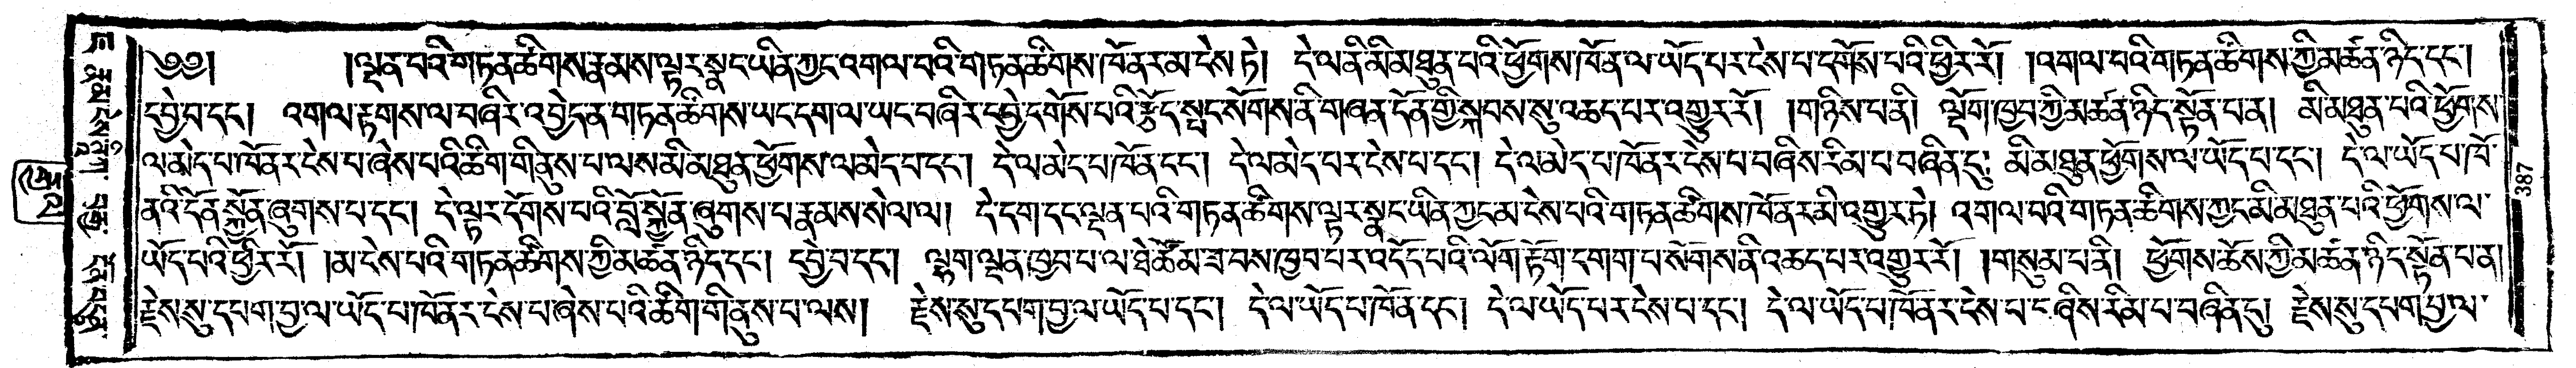༄༅། །ལྡན་པའི་གཏན་ཚིགས་རྣམས་ལྟར་སྣང་ཡིན་ཀྱང་འགལ་བའི་གཏན་ཚིགས་ཁོ་ནར་མ་ངེས་ཏེ། དེ་ལ་ནི་མི་མཐུན་པའི་ཕྱོགས་ཁོ་ན་ལ་ཡོད་པར་ངེས་པ་དགོས་པའི་ཕྱིར་རོ། །འགལ་བའི་གཏན་ཚིགས་ཀྱི་མཚན་ཉིད་དང་།
དབྱེ་བ་དང་། འགལ་རྟགས་ལ་བཞིར་འབྱེད་ན་གཏན་ཚིགས་ཡང་དག་ལ་ཡང་བཞིར་དབྱེ་དགོས་པའི་རྩོད་སྤང་སོགས་ནི་གཞན་དོན་གྱི་སྐབས་སུ་འཆད་པར་འགྱུར་རོ། །གཉིས་པ་ནི། ལྡོག་ཁྱབ་ཀྱི་མཚན་ཉིད་སྟོན་པ་ན། མི་མཐུན་པའི་ཕྱོགས་
ལ་མེད་པ་ཁོ་ནར་ངེས་པ་ཞེས་པའི་ཚིག་གི་ནུས་པ་ལས་མི་མཐུན་ཕྱོགས་ལ་མེད་པ་དང་། དེ་ལ་མེད་པ་ཁོ་ན་དང་། དེ་ལ་མེད་པར་ངེས་པ་དང་། དེ་ལ་མེད་པ་ཁོ་ནར་ངེས་པ་བཞིས་རིམ་པ་བཞིན་དུ། མི་མཐུན་ཕྱོགས་ལ་ཡོད་པ་དང་། དེ་ལ་ཡོད་པ་ཁོ་
ནའི་དོན་སྐྱོན་ཞུགས་པ་དང་། དེ་ལྟར་དོགས་པའི་བློ་སྐྱོན་ཞུགས་པ་རྣམས་སེལ་ལ། དེ་དག་དང་ལྡན་པའི་གཏན་ཚིགས་ལྟར་སྣང་ཡིན་ཀྱང་མ་ངེས་པའི་གཏན་ཚིགས་ཁོ་ནར་མི་འགྱུར་ཏེ། འགལ་བའི་གཏན་ཚིགས་ཀྱང་མི་མཐུན་པའི་ཕྱོགས་ལ་
ཡོད་པའི་ཕྱིར་རོ། །མ་ངེས་པའི་གཏན་ཚིགས་ཀྱི་མཚན་ཉིད་དང་། དབྱེ་བ་དང་། ལྷག་ལྡན་ཁྱབ་པ་ལ་ཐེ་ཚོམ་ཟ་བས་ཁྱབ་པར་འདོད་པའི་ལོག་རྟོག་དགག་པ་སོགས་ནི་འཆད་པར་འགྱུར་རོ། །གསུམ་པ་ནི། ཕྱོགས་ཆོས་ཀྱི་མཚན་ཉིད་སྟོན་པ་ན།
རྗེས་སུ་དཔག་བྱ་ལ་ཡོད་པ་ཁོ་ནར་ངེས་པ་ཞེས་པའི་ཚིག་གི་ནུས་པ་ལས། རྗེས་སུ་དཔག་བྱ་ལ་ཡོད་པ་དང་། དེ་ལ་ཡོད་པ་ཁོ་ན་དང་། དེ་ལ་ཡོད་པར་ངེས་པ་དང་། དེ་ལ་ཡོད་པ་ཁོ་ནར་ངེས་པ་བཞིས་རིམ་པ་བཞིན་དུ། རྗེས་སུ་དཔག་བྱ་ལ་